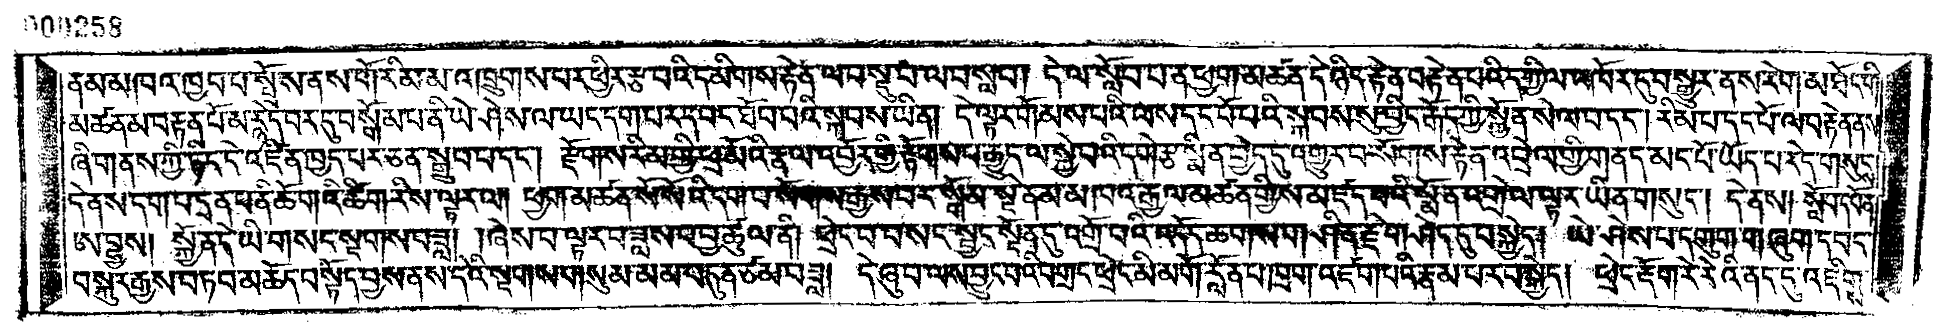ནམ་མཁའ་ཁྱབ་པ་སྤྲོས་ནས་གོ་རིམ་མ་འཁྲུགས་པར་ཕྱིར་རྩ་བའི་དམིགས་རྟེན་ལ་བསྡུ་བ་ལ་བསླབ། དེ་ལ་སློབ་པ་ན་ཕྱག་མཚན་དེ་ཉིད་རྟེན་བརྟེན་པའི་དཀྱིལ་འཁོར་དུ་བསྒྱུར་ནས་རེག་མཐོང་གི་
མཚན་མ་བརྟན་པོ་མ་རྙེད་བར་དུ་བསྒོམ་པ་ནི་ཡེ་ཤེས་ལ་ཡང་དག་པར་དབང་ཐོབ་པའི་སྐབས་ཡིན། དེ་ལྟར་གོམས་པའི་ལས་དང་པོ་པའི་སྐབས་སུ་བྱིང་རྒོད་ཀྱི་སྐྱོན་སེལ་བ་དང་། རིམ་པ་དང་པོ་ལ་བརྟེན་ནས་
ཞི་གནས་ཀྱི་ཏིང་ངེ་འཛིན་ཁྱད་པར་ཅན་སྒྲུབ་པ་དང་། རྫོགས་རིམ་གྱི་ཕྲ་མོའི་རྣལ་འབྱོར་གྱི་རྟོགས་པ་རྒྱུད་ལ་སྐྱེ་བའི་དགེ་རྩ་སྨིན་བྱེད་དུ་འགྱུར་བ་སོགས་རྟེན་འབྲེལ་གྱི་གནད་མང་པོ་ཡོད་པ་རེད་གསུངས་
དེ་ནས་དག་པ་དྲན་པ་ནི་ཆོ་གའི་ཚིག་རིས་ལྟར་ལ། ཕྱག་མཚན་སོ་སོའི་དག་པ་སོགས་རྒྱས་པར་སྒོམ་སྡེ་ནམ་མཁའ་རྒྱལ་མཚན་གྱིས་མཛད་པའི་སྨོན་འགྲེལ་ལྟར་ཡིན་གསུང་། དེ་ནས། སློབ་དཔོན་
ཨ་བྷྱས། སྐྱོ་ན་དེ་ཡི་གསང་སྔགས་བཟླ། །ཞེས་པ་ལྟར་བཟླས་པ་བྱ་ཚུལ་ནི། ཕྲེང་བ་བསང་སྦྱང་སྔོན་དུ་འགྲོ་བའི་འདོད་ཆགས་གཤིན་རྗེ་གཤེད་དུ་བསྐྱེད། ཡེ་ཤེས་པ་དགུག་གཞུག་དབང་
བསྐུར་རྒྱས་བཏབ་མཆོད་བསྟོད་བྱས་ནས་དེའི་སྔགས་གསུམ་མམ་བདུན་ཙམ་བཟླ། དེ་ཞུ་བ་ལས་བྱུང་བའི་བགྲང་ཕྲེང་མི་མགོ་རློན་པ་ཁྲག་འཛག་པའི་རྣམ་པར་བསྐྱེད། ཕྲེང་རྡོག་རེ་རེའི་ནང་དུ་འཇིགས་